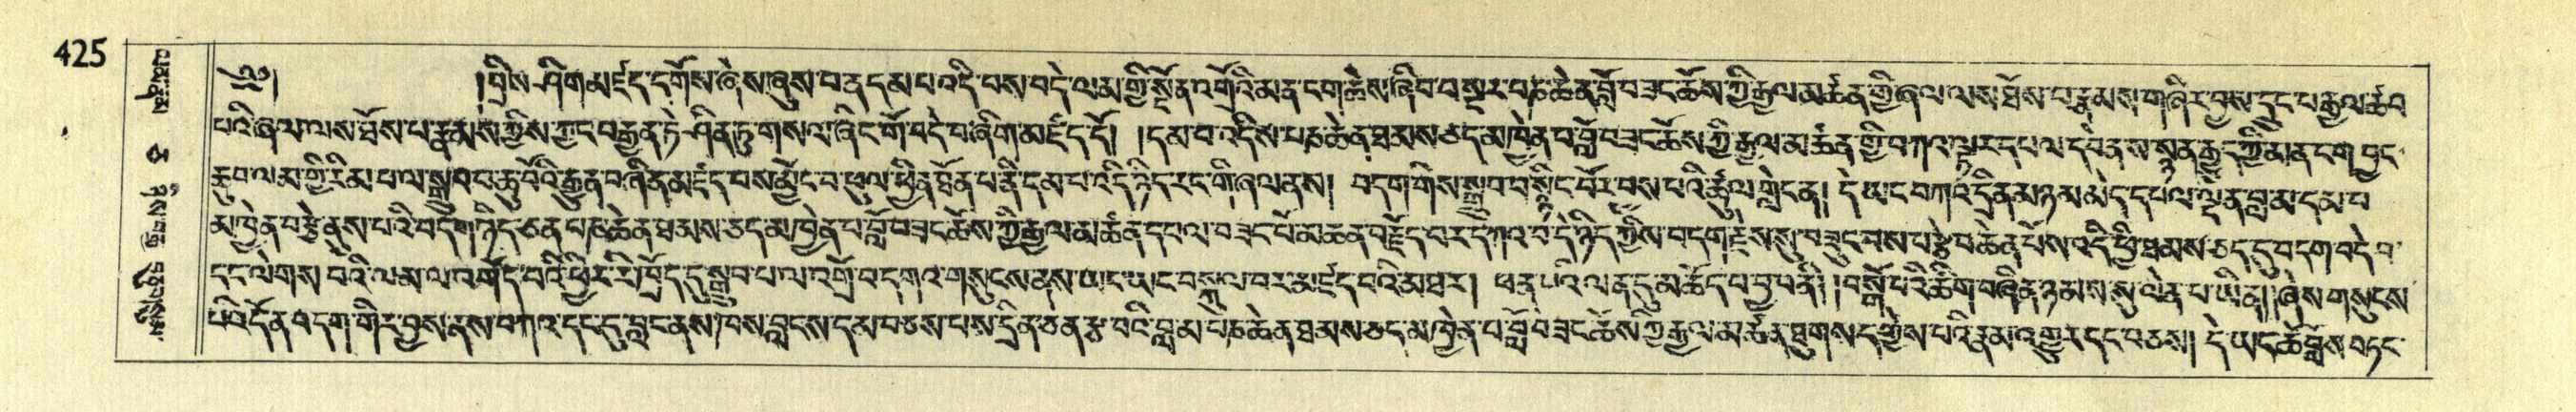༄༅། །བྲིས་ཤིག་མཛད་དགོས་ཞེས་ཞུས་པན་དམ་པ་འདི་པས་བདེ་ལམ་གྱི་སྔོན་འགྲོའི་མན་ངག་ཆེས་ཞིབ་བསྔར་པཎ་ཆེན་བློ་བཟང་ཆོས་ཀྱི་རྒྱལ་མཚན་གྱི་ཞལ་ལས་ཐོས་པ་རྣམས་གཞིར་བྱས་དྲུང་པ་རྒྱལ་ཚབ་
པའི་ཞལ་ལས་ཐོས་པ་རྣམས་ཀྱིས་ཀྱང་བརྒྱན་ཏེ་ཤིན་ཏུ་གསལ་ཞིང་གོ་བདེ་བ་ཞིག་མཛད་དོ། །དམ་པ་འདིས་པཎ་ཆེན་ཐམས་ཅད་མཁྱེན་བ་བློ་བཟང་ཆོས་ཀྱི་རྒྱལ་མཚན་གྱི་བཀའ་ལྟར་དཔལ་དབེན་ས་སྙན་རྒྱུད་ཀྱི་མན་ངག་བྱང་
ཆུབ་ལམ་གྱི་རིམ་པ་ལ་སྒྲུབ་པ་ཆུ་བོའི་རྒྱུན་བཞིན་མཛད་པས་མྱོང་བ་ཕུལ་ཕྱིན་ཐོན་པ་ནི་དམ་པ་འདི་ཉིད་རང་གི་ཞལ་ནས། བདག་གིས་སྒྲུབ་བ་སྙིང་བོར་བྱས་པའི་ཚུལ་གླེང་ན། དེ་ཡང་བཀའ་དྲིན་མཉམ་མེད་དཔལ་ལྡན་བླ་མ་དམ་པ་
མཁྱེན་བརྩེ་ནུས་པའི་བདག་ཉིད་ཅན་པཎ་ཆེན་ཐམས་ཅད་མཁྱེན་པ་བློ་བཟང་ཆོས་ཀྱི་རྒྱལ་མཚན་དཔལ་བཟང་པོ་མཆན་བརྗོད་བར་དཀའ་བ་དེ་ཉིད་ཀྱིས་བདག་རྗེས་སུ་བཟུང་བས་བརྩེ་བ་ཆེན་པོས་འདི་ཕྱི་ཐམས་ཅད་དུ་བདག་བདེ་བ་
དང་ལེགས་བའི་ལམ་ལ་འགོད་བའི་ཕྱིར་རི་ཁྲོད་དུ་སྒྲུབ་པ་ལ་འགྲོ་བ་དགའ་གསུངས་ནས་ཡང་ཡང་བསྐུལ་བར་མཛད་བའི་མཐར། ཕན་པའི་ལན་དུ་མཆོད་པ་བྱ་བ་ནི། །བསྒོ་པའི་ཚིག་བཞིན་ཉམས་སུ་ལེན་པ་ཡིན། །ཞེས་གསུངས་
པའི་དོན་བདག་གིར་བྱས་ནས་བཀའ་དང་དུ་བླང་ནས་ཁས་བླངས་དམ་བཅས་པས་དྲིན་ཅན་རྩ་བའི་བླ་མ་པཎ་ཆེན་ཐམས་ཅད་མཁྱེན་པ་བློ་བཟང་ཆོས་ཀྱི་རྒྱལ་མཚན་ཐུགས་དགྱེས་པའི་རྣམ་འགྱུར་དང་བཅས། དེ་ཡང་ཆོ་བློས་བཏང་